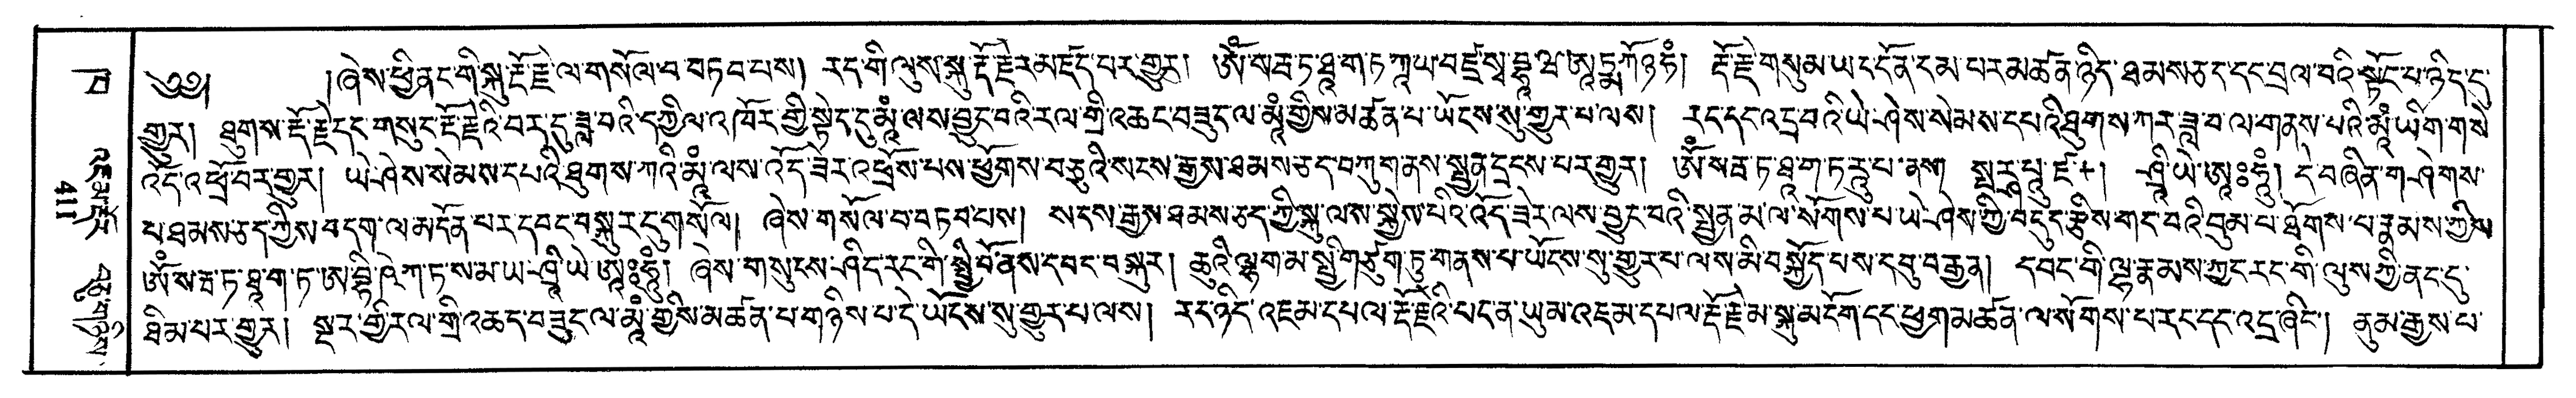༄༅། །ཞེས་ཕྱི་ནང་གི་སྐུ་རྡོ་རྗེ་ལ་གསོལ་བ་བཏབ་པས། རང་གི་ལུས་སྐུ་རྡོ་རྗེར་མཛད་པར་གྱུར། ཨོཾ་སརྦ་ཏ་ཐཱ་ག་ཏ་ཀཱ་ཡ་བཛྲ་སྭ་བྷཱ་ཝ་ཨཱཏྨ་ཀོཉྷཾ། རྡོ་རྗེ་གསུམ་ཡང་དོན་དམ་པར་མཚན་ཉིད་ཐམས་ཅད་དང་བྲལ་བའི་སྟོང་པ་ཉིད་དུ་
གྱུར། ཐུགས་རྡོ་རྗེ་དང་གསུང་རྡོ་རྗེའི་བར་དུ་ཟླ་བའི་དཀྱིལ་འཁོར་གྱི་སྟེང་དུ་མཱཾ་ལས་བྱུང་བའི་རལ་གྲི་འཆང་བཟུང་ལ་མཱཾ་གྱིས་མཚན་པ་ཡོངས་སུ་གྱུར་པ་ལས། རང་དང་འདྲ་བའི་ཡེ་ཤེས་སེམས་དཔའི་ཐུགས་ཀར་ཟླ་བ་ལ་གནས་བའི་མཱཾ་ཡིག་གསེར་
འོད་འཕྲོ་བར་གྱུར། ཡེ་ཤེས་སེམས་དཔའི་ཐུགས་ཀའི་མཱཾ་ལས་འོད་ཟེར་འཕྲོས་པས་ཕྱོགས་བཅུའི་སངས་རྒྱས་ཐམས་ཅད་བཀུག་ནས་སྤྱན་དྲངས་པར་གྱུར། ཨོཾ་སརྦ་ཏ་ཐཱ་ག་ཏ་རཱུ་པ་ནས་སྤརྴ་པཱུ་ཛ་+། ཤྲཱི་ཡེ་ཨཱཿ ཧཱུཾ། དེ་བཞིན་གཤེགས་
པ་ཐམས་ཅད་ཀྱིས་བདག་ལ་མངོན་པར་དབང་བསྐུར་དུ་གསོལ། ཞེས་གསོལ་བ་བཏབ་པས། སངས་རྒྱས་ཐམས་ཅད་ཀྱི་སྐུ་ལས་སྐྱེས་པའི་འོད་ཟེར་ལས་བྱུང་བའི་སྤྱན་མ་ལ་སོགས་པ་ཡེ་ཤེས་ཀྱི་བདུད་རྩིས་གང་བའི་བུམ་པ་ཐོགས་པ་རྣམས་ཀྱིས།
ཨོཾ་སརྦ་ཏ་ཐཱག་ཏ་ཨ་བྷི་ཥེ་ཀ་ཏ་ས་མ་ཡ་ཤྲཱི་ཡེ་ཨཱཿ ཧཱུཾ། ཞེས་གསུངས་ཤིང་རང་གི་སྤྱི་བོ་ནས་དབང་བསྐུར། ཆུའི་ལྷག་མ་སྤྱི་གཙུག་ཏུ་གནས་པ་ཡོངས་སུ་གྱུར་པ་ལས་མི་བསྐྱོད་པས་དབུ་བརྒྱན། དབང་གི་ལྷ་རྣམས་ཀྱང་རང་གི་ལུས་ཀྱི་ནང་དུ་
ཐིམ་པར་གྱུར། སྔར་གྱི་རལ་གྲི་འཆང་བཟུང་ལ་མཱཾ་གྱིས་མཚན་པ་གཉིས་པ་དེ་ཡོངས་སུ་གྱུར་པ་ལས། རང་ཉིད་འཇམ་དཔལ་རྡོ་རྗེའི་པང་ན་ཡུམ་འཇམ་དཔལ་རྡོ་རྗེ་མ་སྐུ་མདོག་དང་ཕྱག་མཚན་ལ་སོགས་པ་རང་དང་འདྲ་ཞིང་། ནུ་མ་རྒྱས་ལ་